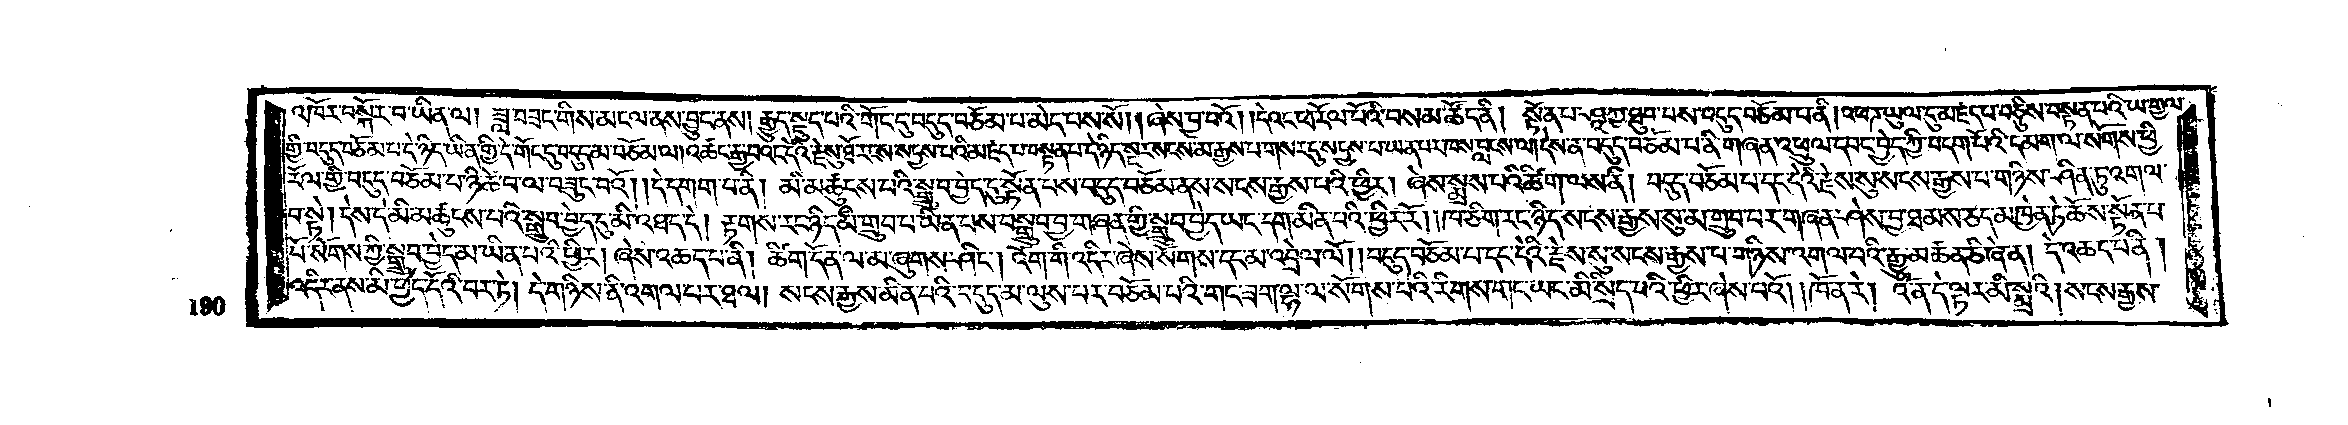འཁོར་བསྐོར་བ་ཡིན་ལ། ཟླ་བཟང་གིས་མངལ་ནས་བྱུང་ནས། རྒྱུད་སྡུད་པའི་གོང་དུ་བདུད་བཅོམ་པ་མེད་པས་སོ། །ཞེས་བྱ་བའོ། །དེའང་ཕ་རོལ་པོའི་བསམ་ཚོད་ནི། སྟོན་པ་ཤཱཀྱ་ཐུབ་པས་བདུད་བཅོམ་པ་ནི། འཕཌ་ཡུལ་དུ་མཛད་པ་བཅུ་གཉིས་བསྟན་པའི་ཡ་གྱལ་
གྱི་བདུད་བཅོམ་པ་དེ་ཉིད་ཡིན་གྱི་དེ་གོང་དུ་བདུད་མ་བཅོམ་ལ། འཚང་རྒྱ་བའང་དེའི་རྗེས་སུ་ཐོ་རངས་སངས་རྒྱས་པའི་མཛད་པ་བསྟན་པ་དེ་ཉིད་སྔར་སངས་མ་རྒྱས་པ་གསར་དུ་སངས་རྒྱས་པ་ཡིན་པར་ཁས་བླངས་ལ། དེས་ན་བདུད་བཅོམ་པ་ནི་གཞན་འཕྲུལ་དབང་བྱེད་ཀྱི་བདག་པོའི་དམག་ལ་སོགས་ཕྱི་
རོལ་གྱི་བདུད་བཅོམ་པ་ཉི་ཚེ་བ་ལ་བཟུང་བའོ། །དེ་དགག་པ་ནི། མི་མཚུངས་པའི་སྒྲུབ་བྱེད་དུ་སྟོན་པས་བདུད་བཅོམ་ནས་སངས་རྒྱས་པའི་ཕྱིར། ཞེས་སྨྲས་པའི་ཚིག་ལས་ནི། བདུད་བཅོམ་པ་དང་དེའི་རྗེས་སུ་སངས་རྒྱས་པ་གཉིས་ཤིན་ཏུ་འགལ་
བ་སྟེ། དེས་དེ་མི་མཚུངས་པའི་སྒྲུབ་བྱེད་དུ་མི་འཐད་དེ། རྟགས་རང་ཉིད་མ་གྲུབ་པ་ཡིན་པས་བསྒྲུབ་བྱ་གཞན་གྱི་སྒྲུབ་བྱེད་ཡང་དག་མིན་པའི་ཕྱིར་རོ། །ཁ་ཅིག་རང་ཉིད་སངས་རྒྱས་སུ་མ་གྲུབ་པར་གཞན་ཤེས་བྱ་ཐམས་ཅད་མཁྱེན་ཏེ་ཆོས་སྟོན་པ་
པོ་སོགས་ཀྱི་སྒྲུབ་བྱེད་མ་ཡིན་པའི་ཕྱིར། ཞེས་འཆད་པ་ནི། ཚིག་དོན་ལ་མ་ཞུགས་ཤིང་། འོག་གི་འདིར་ཞེས་སོགས་དང་མ་འབྲེལ་ལོ། །བདུད་བཅོམ་པ་དང་དེའི་རྗེས་སུ་སངས་རྒྱས་པ་གཉིས་འགལ་བའི་རྒྱུ་མཚན་ཅི་ཞེ་ན། དེ་འཆད་པ་ནི།
འདིར་ནས་མི་ཕྱེད་དོའི་བར་ཏེ། དེ་གཉིས་ནི་འགལ་པར་ཐལ། སངས་རྒྱས་མིན་པའི་བདུད་མ་ལུས་པར་བཅོམ་པའི་གང་ཟག་ལྷ་ལ་སོགས་པའི་རིགས་གང་ཡང་མི་སྲིད་པའི་ཕྱིར་ཞེས་པའོ། །ཁོ་ན་རེ། འོ་ན་དེ་ལྟར་མི་སྨྲའི། སངས་རྒྱས་